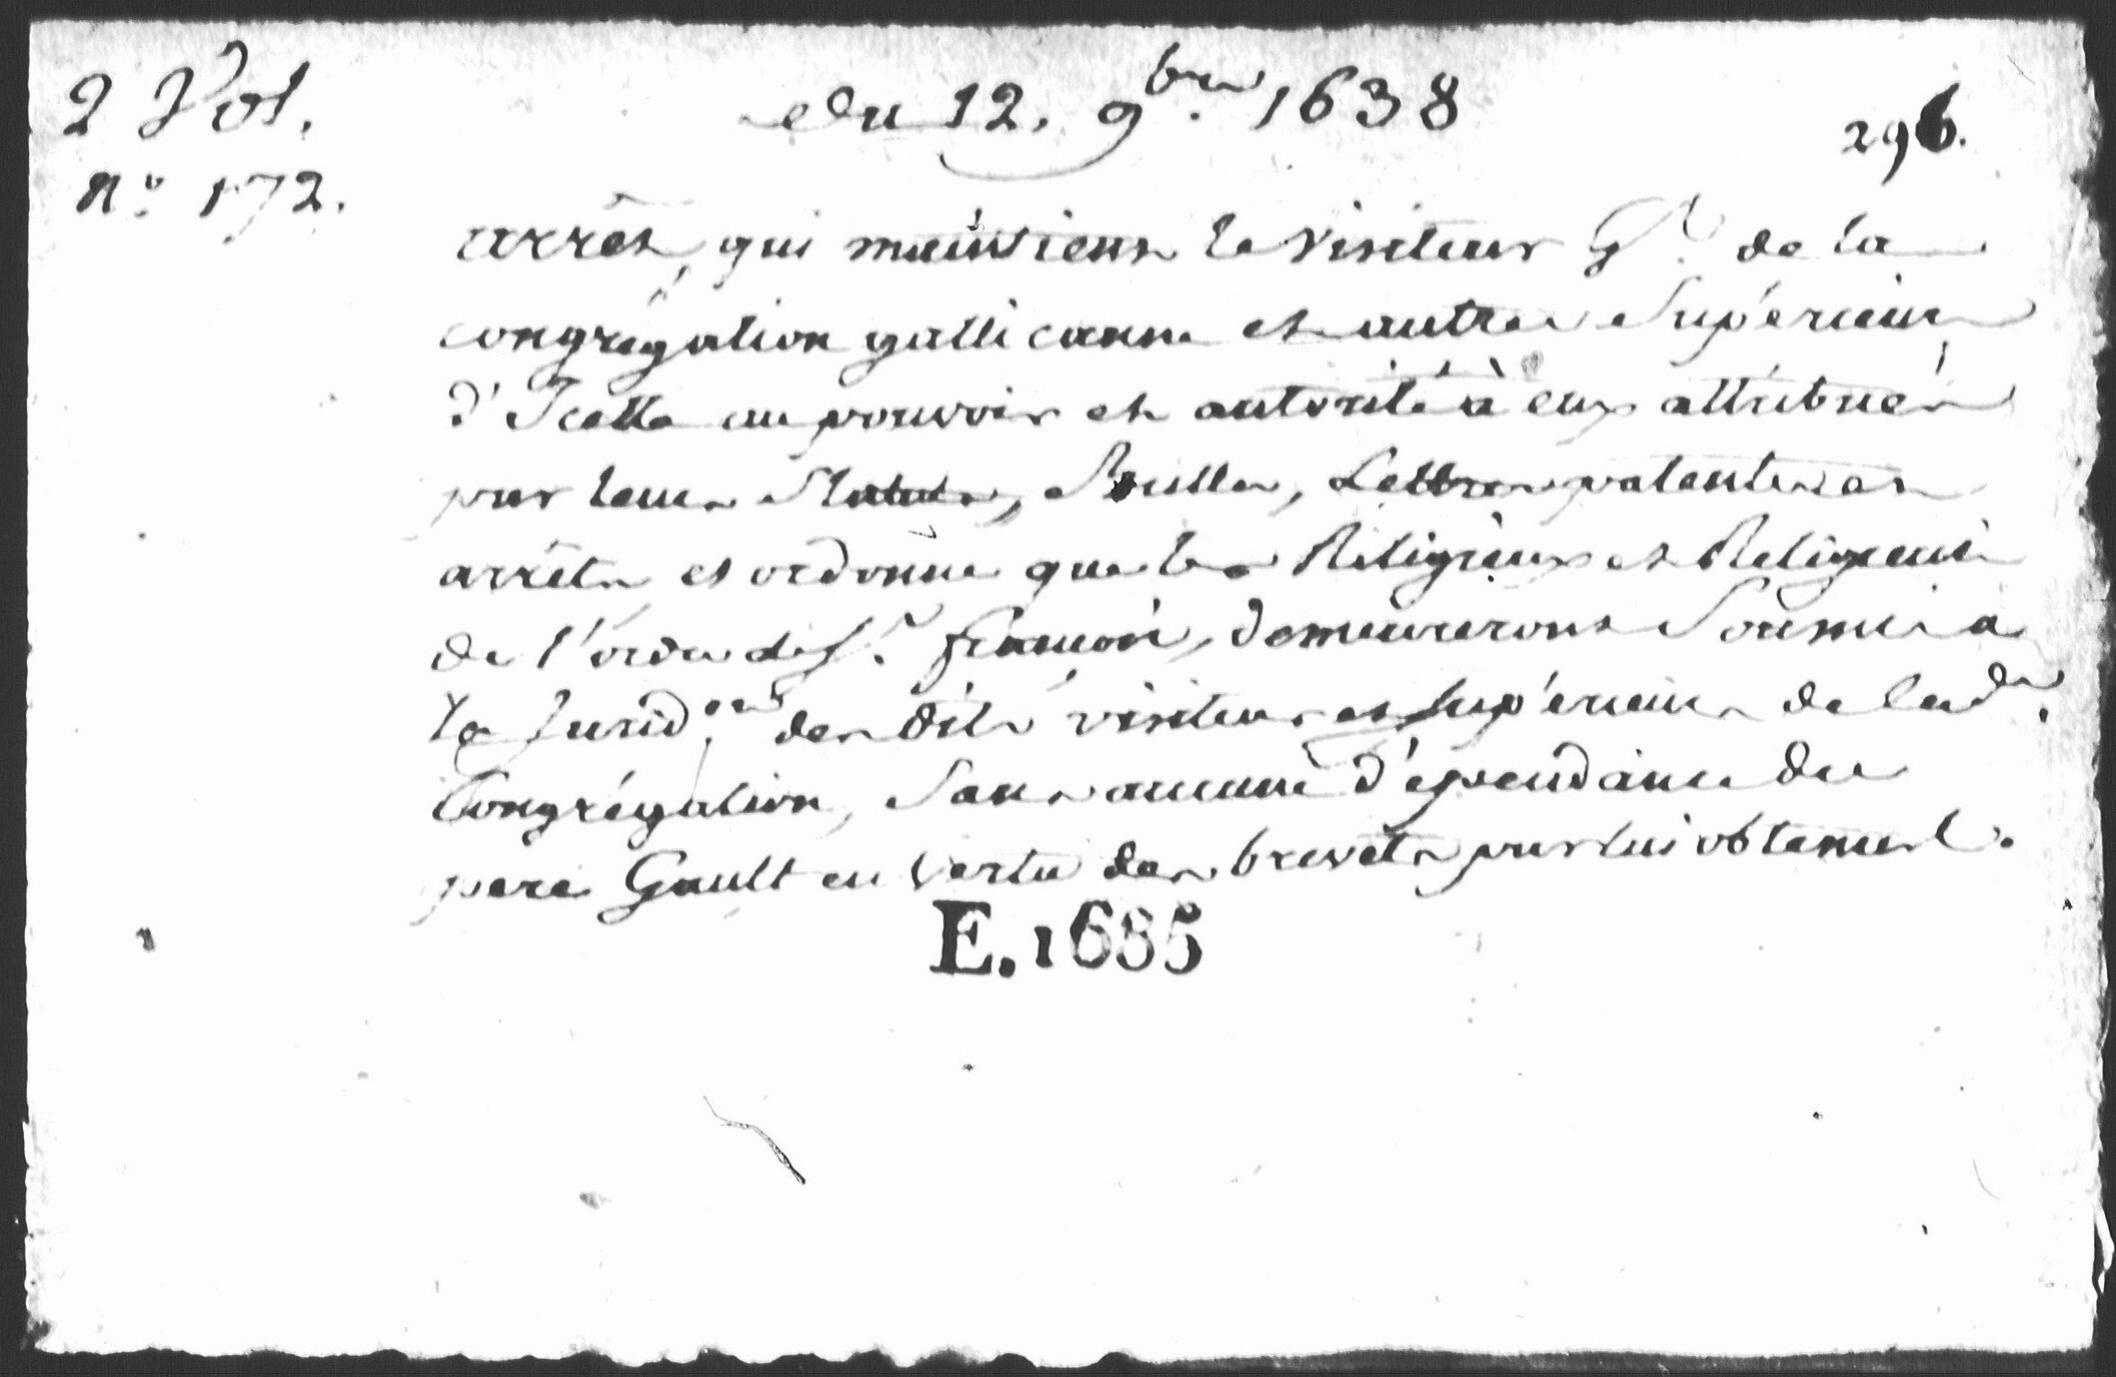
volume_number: n°172
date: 12 novembre 1638
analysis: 296
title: Arrêt qui maintient le visiteur G.l de la congrégation gallicanne et auutres supérieurs d'icelle au pouvoir et autorité à eux attribués par leurs Statuts, Bulles, Lettres patentes et arrêts, et ordonne que les Religieux et Religieuses de l'ordre de S.t françois, demeureront soumis à la jurid.on desdits visiteurs et supérieurs de lad. Congrégation, sans aucune dépendance du pere Gault en vertu des brevets par lui obtenus.
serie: E
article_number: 1685
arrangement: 2 vol.
